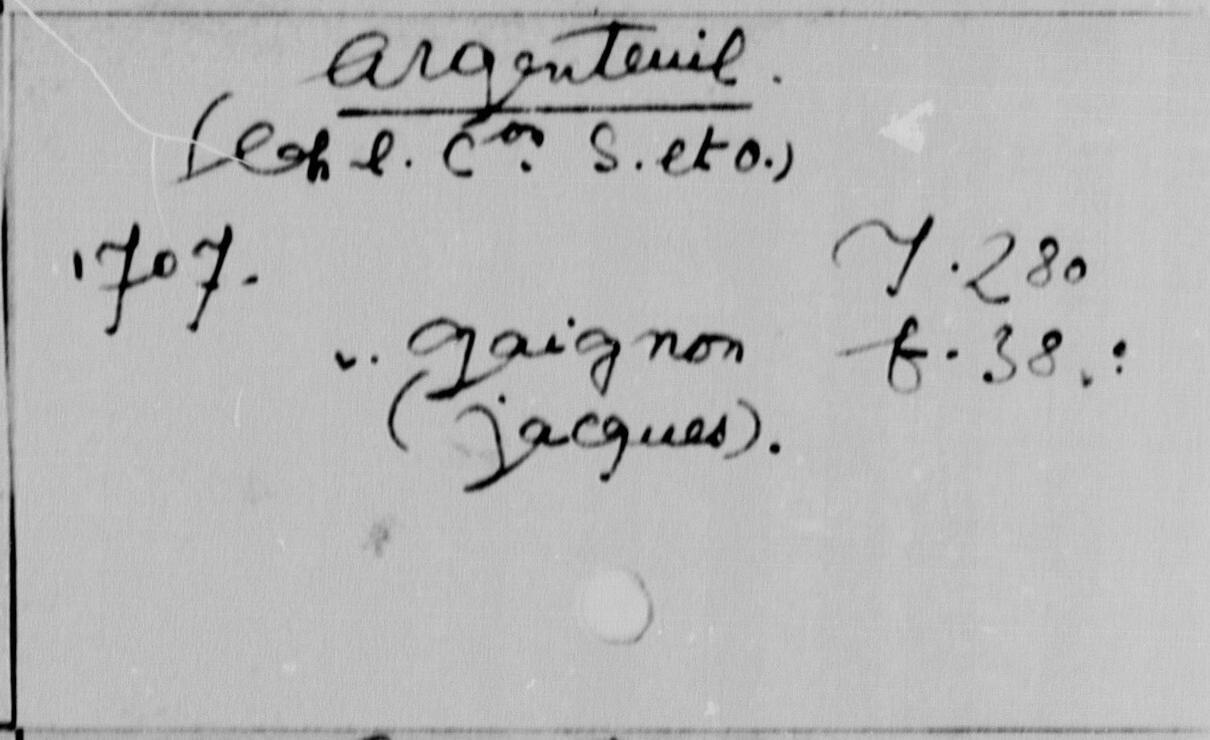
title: ARGENTEUIL (chef-lieu de canton, département de Seine-et-Oise)
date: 1707
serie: Y
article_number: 280
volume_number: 38v
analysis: Voir GAIGNON (Jacques)
